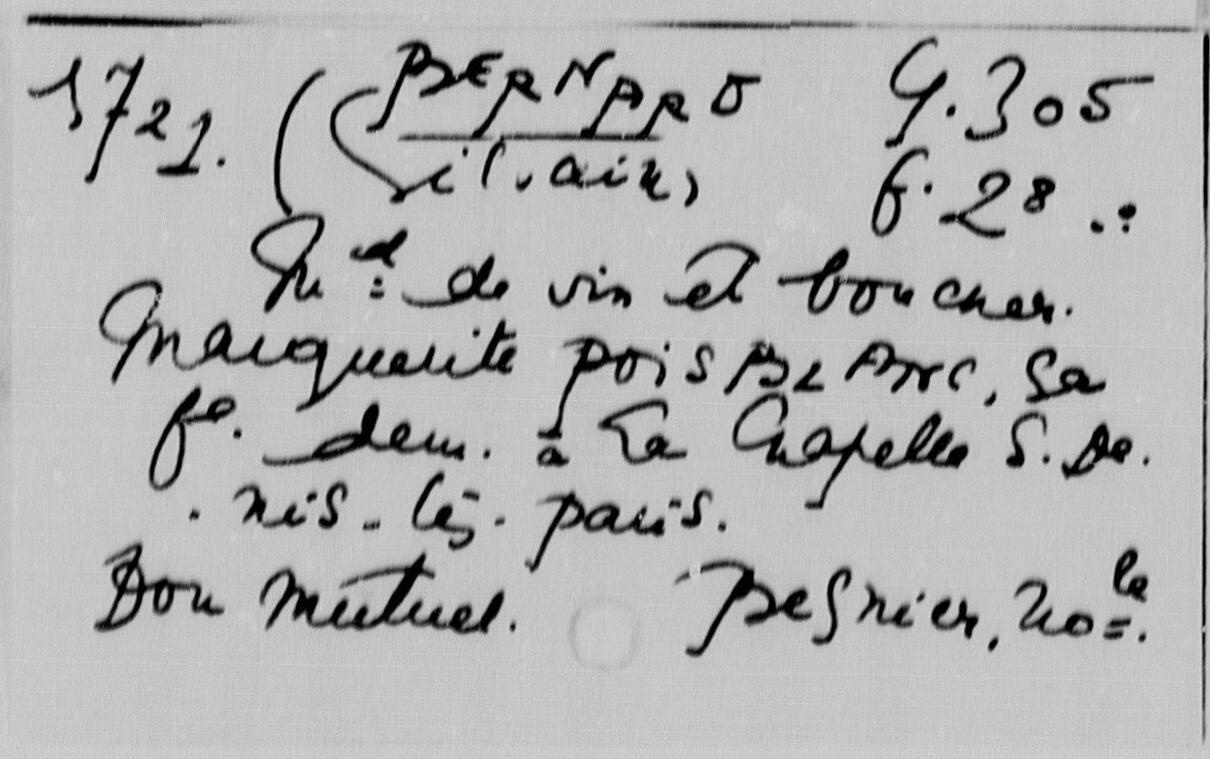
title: BERNARD (Silvain)
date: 1721
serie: Y
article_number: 305
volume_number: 28v
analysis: Marchand de vin et boucher Marguerite POISBLANC, sa femme, demeurant à La Chapelle Saint-Denis-lès-Paris. Don mutuel. Besnier, notaire
